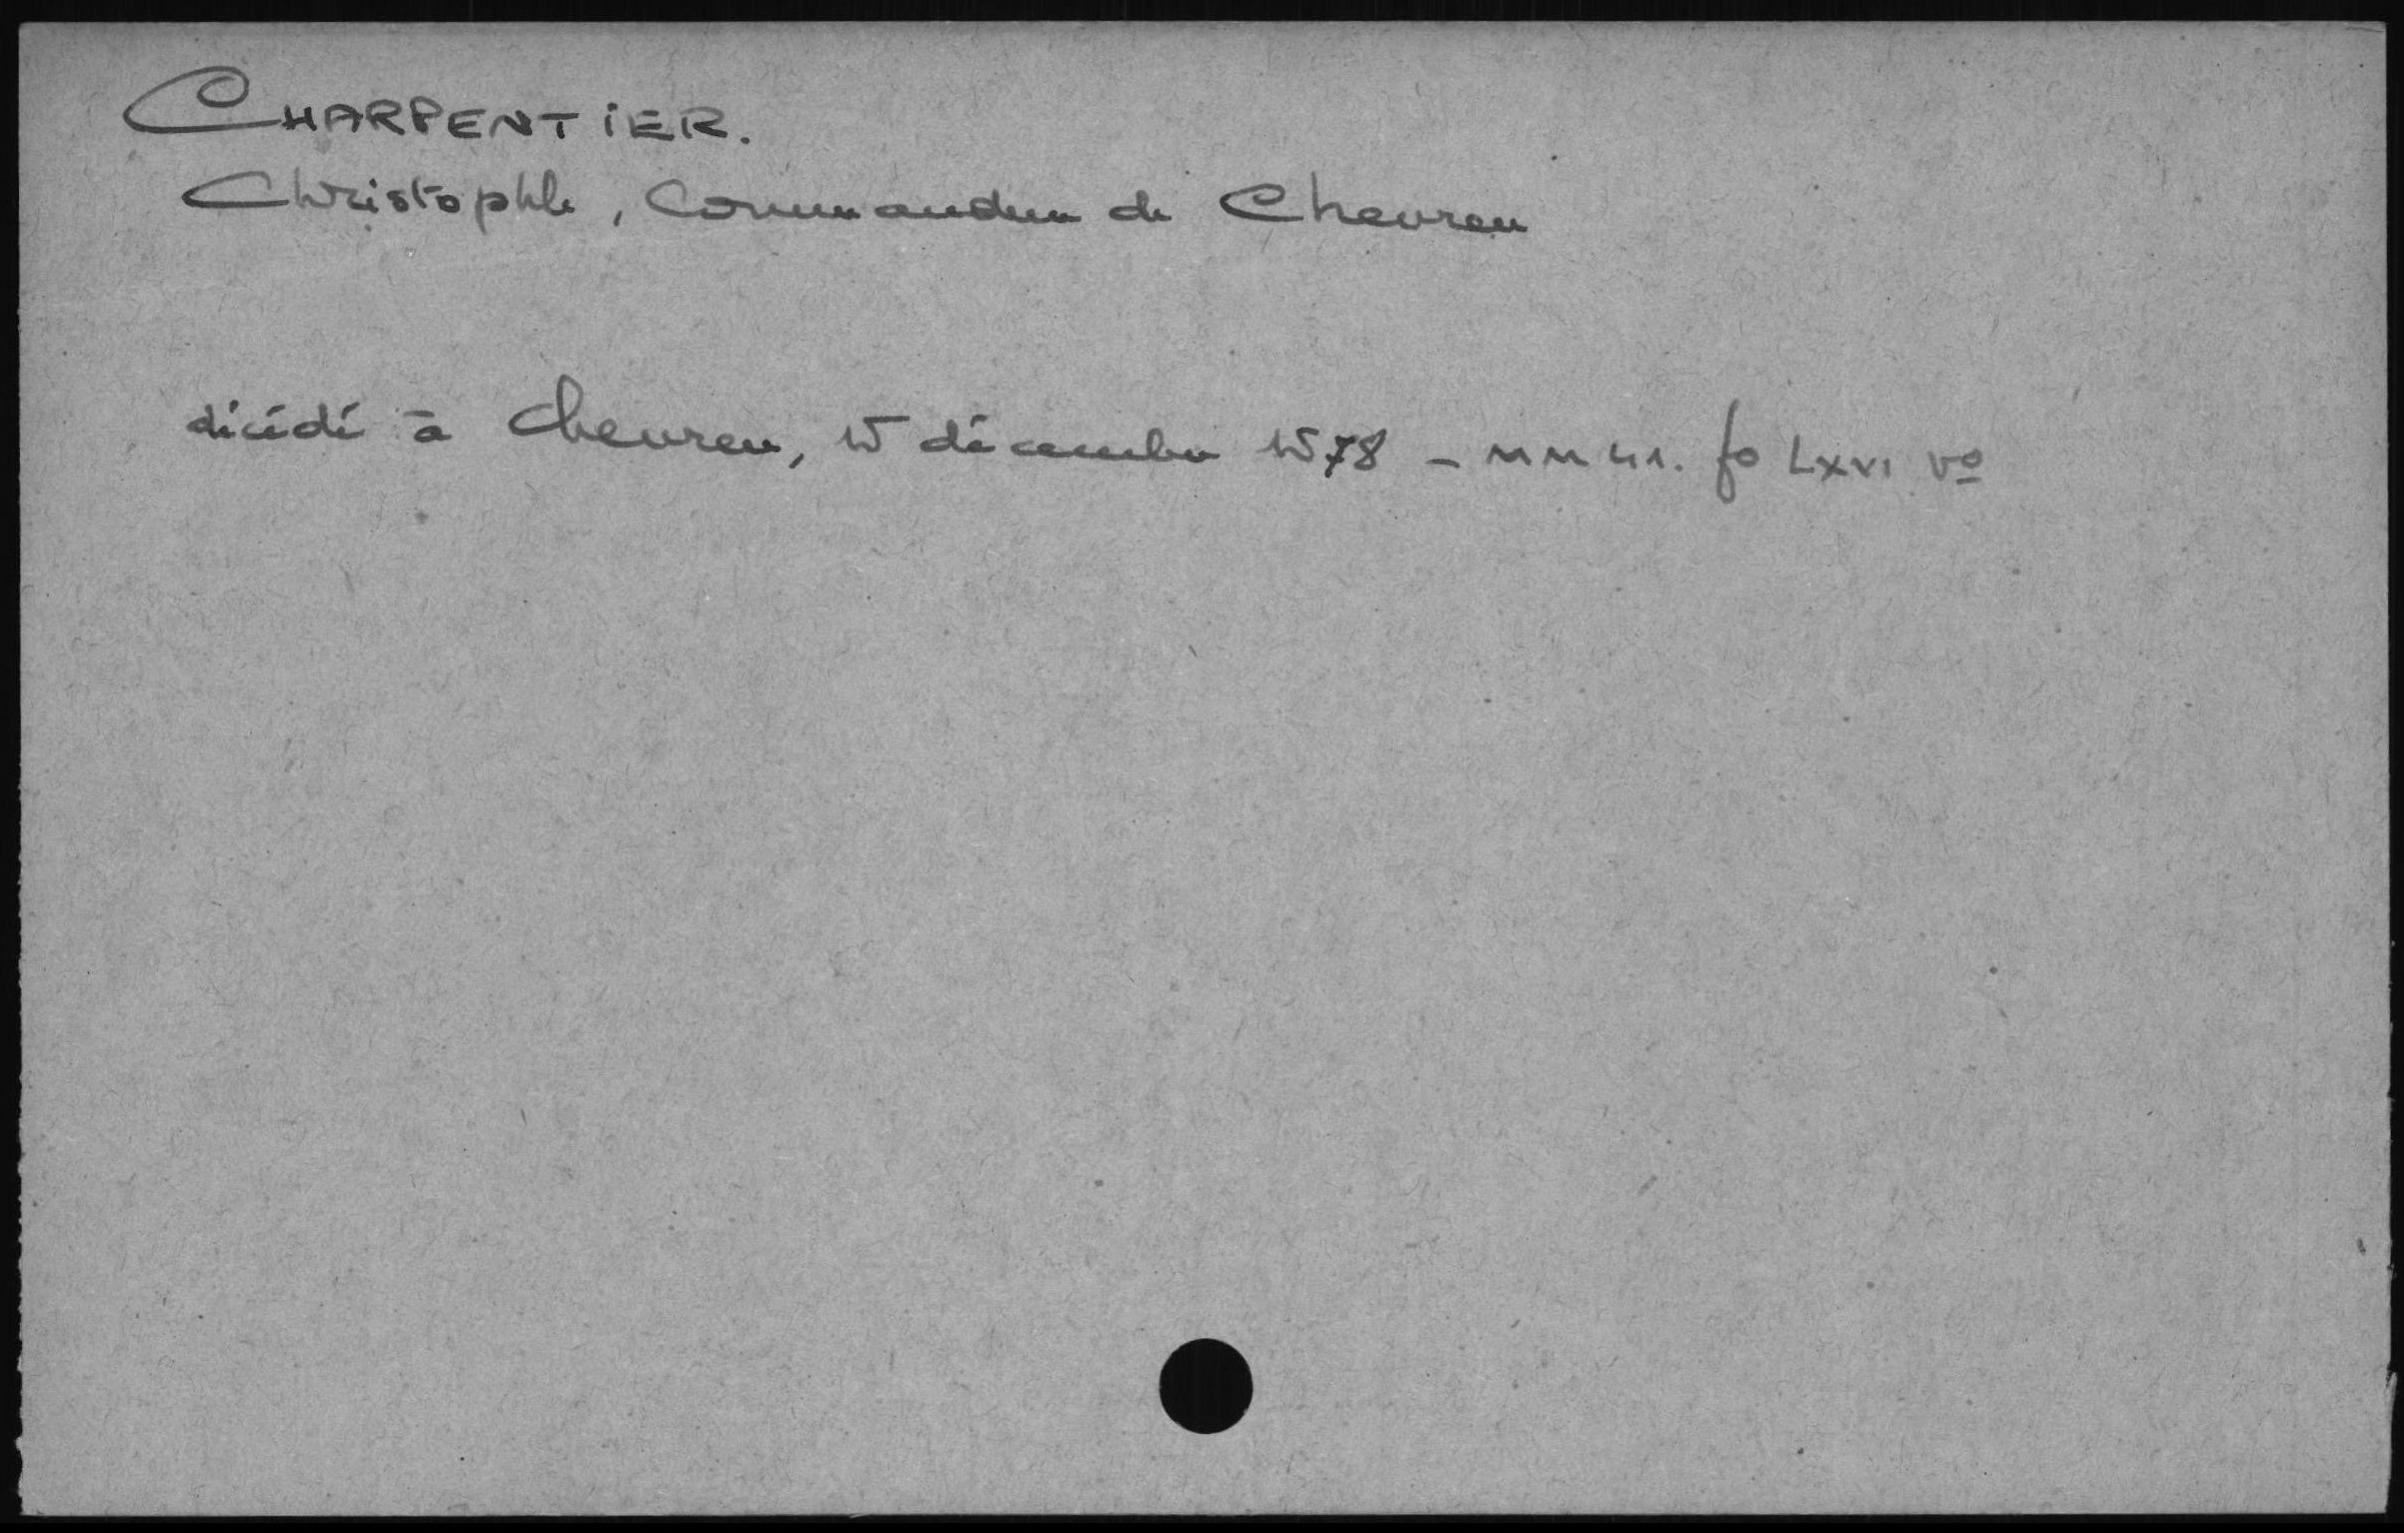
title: CHARPENTIER Christophle, Commandeur de Chevreu
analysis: décédé à Chervreu, 15 décembre 1578. MM 41, fol. LXVIv
